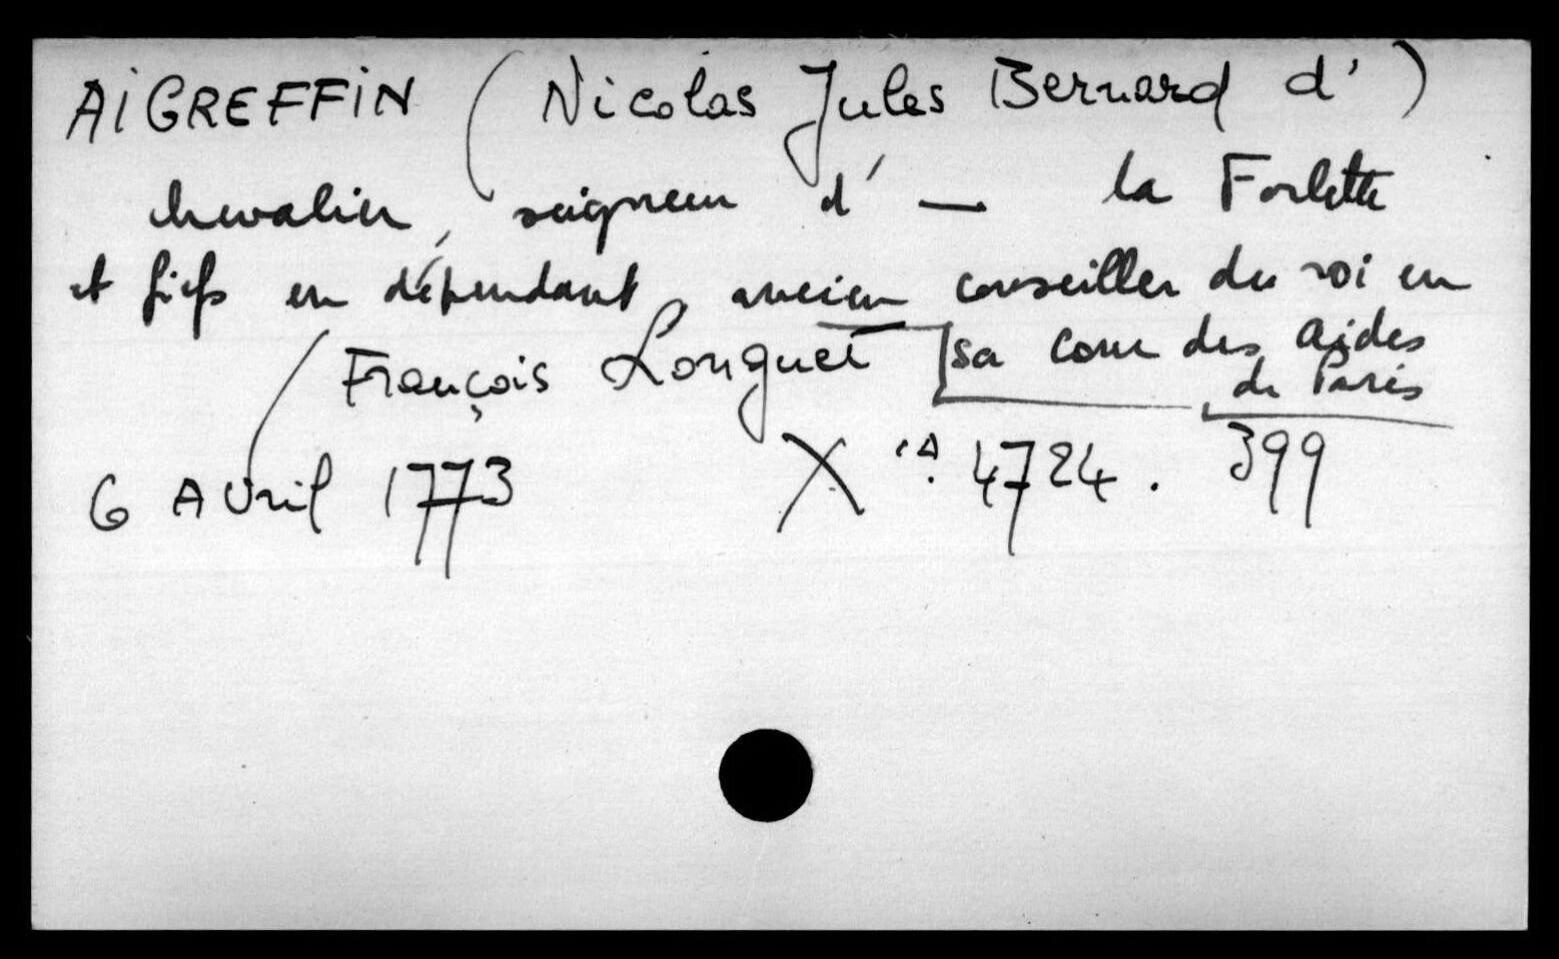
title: AIGREFFIN (Nicolas Jules Bernard d') chevalier, seigneur d' - la Forlette et fief en dépendant, ancien conseiller du roi en sa Cour des aides de Paris
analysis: Contre François Longuet
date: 6 avril 1773
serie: X1A
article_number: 4724
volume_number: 399
